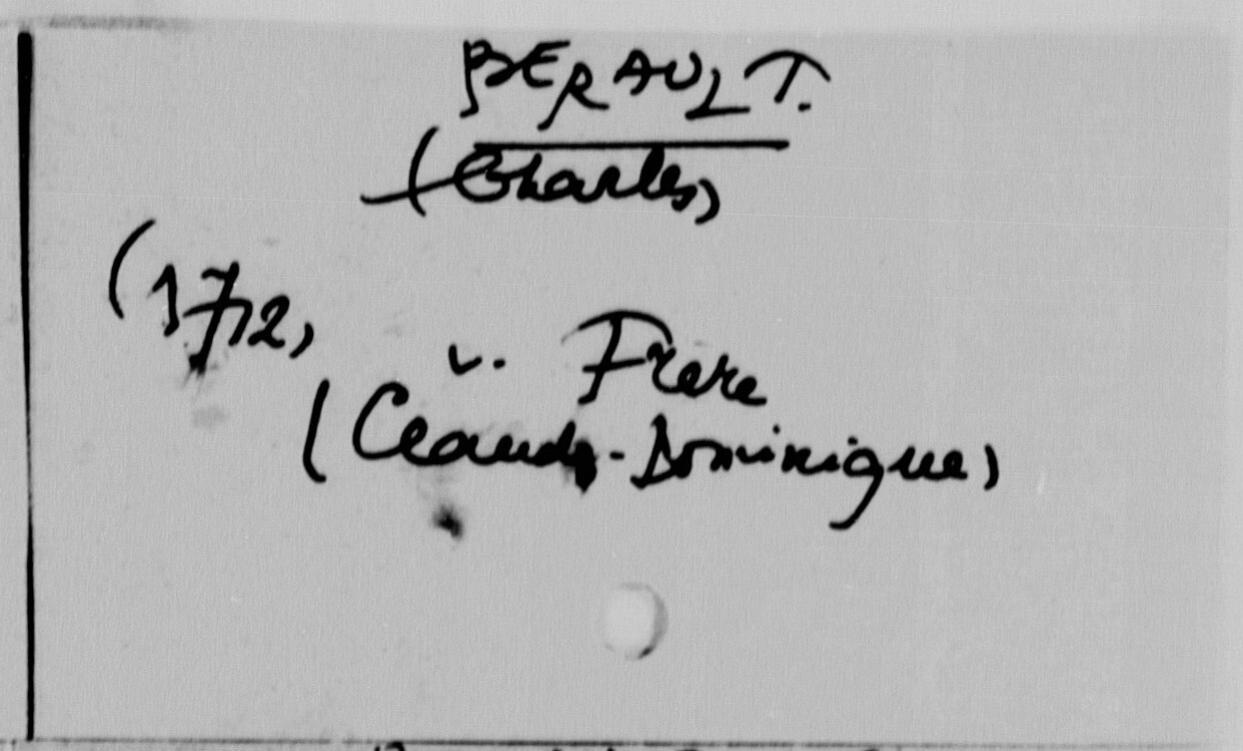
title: BERAULT (Charles)
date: (1712)
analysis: Voir : Frère (Claude-Dominique)
